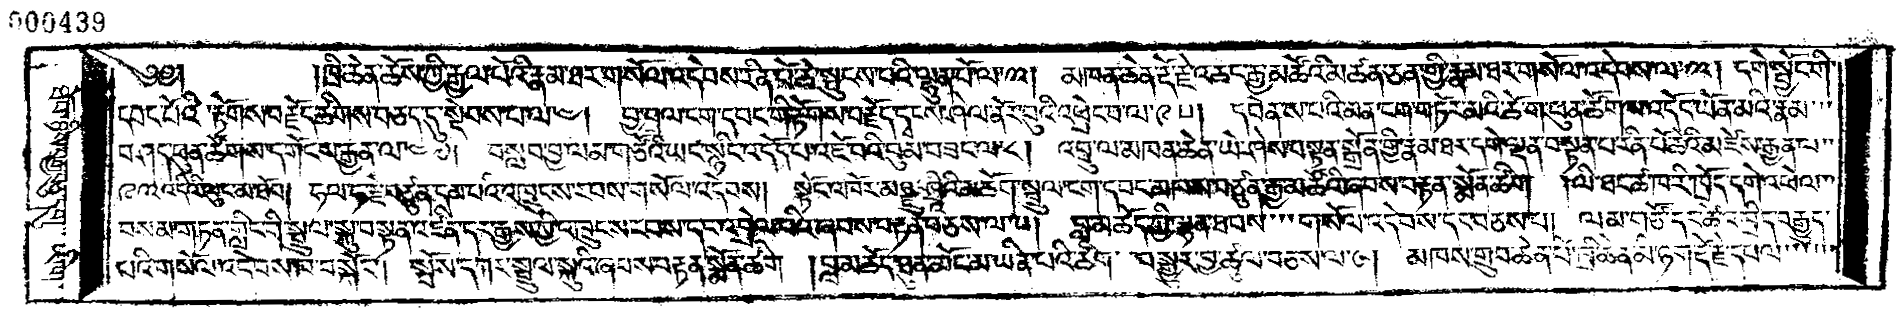༄༅། །ཁྲི་ཆེན་ཆོས་ཀྱི་རྒྱལ་པོའི་རྣམ་ཐར་གསོལ་འདེབས་རིན་པོ་ཆེ་སྤུངས་པའི་ལྷུན་པོ་ལ ༣། མཁན་ཆེན་རྡོ་རྗེ་འཆང་རྒྱ་མཚོའི་མཚན་ཅན་གྱི་རྣམ་ཐར་གསོལ་འདེབས་ལ ༣། དགེ་སྦྱོང་གི་
དབང་པོའི་རྟོགས་བརྗོད་ཚིགས་བཅད་དུ་སྡེབས་པ་ལ༤། བྱ་བྲལ་ངག་དབང་གི་རྟོགས་བརྗོད་དྭངས་ཤེལ་ནོར་བུའི་འཕྲེང་བ་ལ ༩༥། དབེན་ས་པའི་མན་ངག་གཏོར་མའི་ཆོ་ག་ཕུན་ཚོགས་འདོད་ཡོན་མའི་རྣམ་
བཤད་ཕུན་ཚོགས་དགོངས་རྒྱན་ལ ༤༧། བསླབ་བྱ་ལམ་གཙོའི་ཡང་སྙིང་འདོད་པ་འཇོ་བའི་བུམ་བཟང་ལ ༨། འབྲུལ་མཁན་ཆེན་ཡེ་ཤེས་བསྟན་སྒྲོན་གྱི་རྣམ་ཐར་དགེ་ལྡན་བསྟན་པ་རིན་པོ་ཆེའི་མཛེས་རྒྱན་ལ་
༩༣་འདིའི་ལུང་མ་ཐོབ། ཧལ་ཧ་རྗེ་བཙུན་དམ་པའི་འཁྲུངས་རབས་གསོལ་འདེབས། སྟོང་འཁོར་མཉྫུ་ཤྲཱིའི་མཆོག་སྤྲུལ་ངག་དབང་མཁས་བཙུན་རྒྱ་མཚོའི་ཞབས་བརྟན་སྨོན་ཚིག །ལི་ཐང་ཚ་ཁ་རི་ཁྲོད་དགེ་འཕེལ་
བསམ་གཏན་གླིང་གི་སྤྲུལ་སྐུ་བསྟན་འཛིན་དར་རྒྱས་ཀྱི་འཁྲུངས་རབས་དང་འབྲེལ་བའི་ཞབས་བརྟན་བཅས་ལ༥། བླ་མཆོད་ཀྱི་ལྷན་ཐབས་གསོལ་འདེབས་དང་བཅས་པ། ལམ་གཙོ་དང་ཚེ་འཁྲིད་བརྒྱུད་
པའི་གསོལ་འདེབས་ཁ་བསྐོང་། སྤོས་དཀར་སྤྲུལ་སྐུའི་ཞབས་བརྟན་སྨོན་ཚིག །བླ་མཆོད་ཐུན་མོང་མ་ཡིན་པའི་ཚིག་བསྒྱུར་བྱ་ཚུལ་བཅས་ལ༦། མཁས་གྲུབ་ཆེན་པོ་ཁྲི་ཆེན་མི་ཉག་རྡོ་རྗེ་དཔལ་